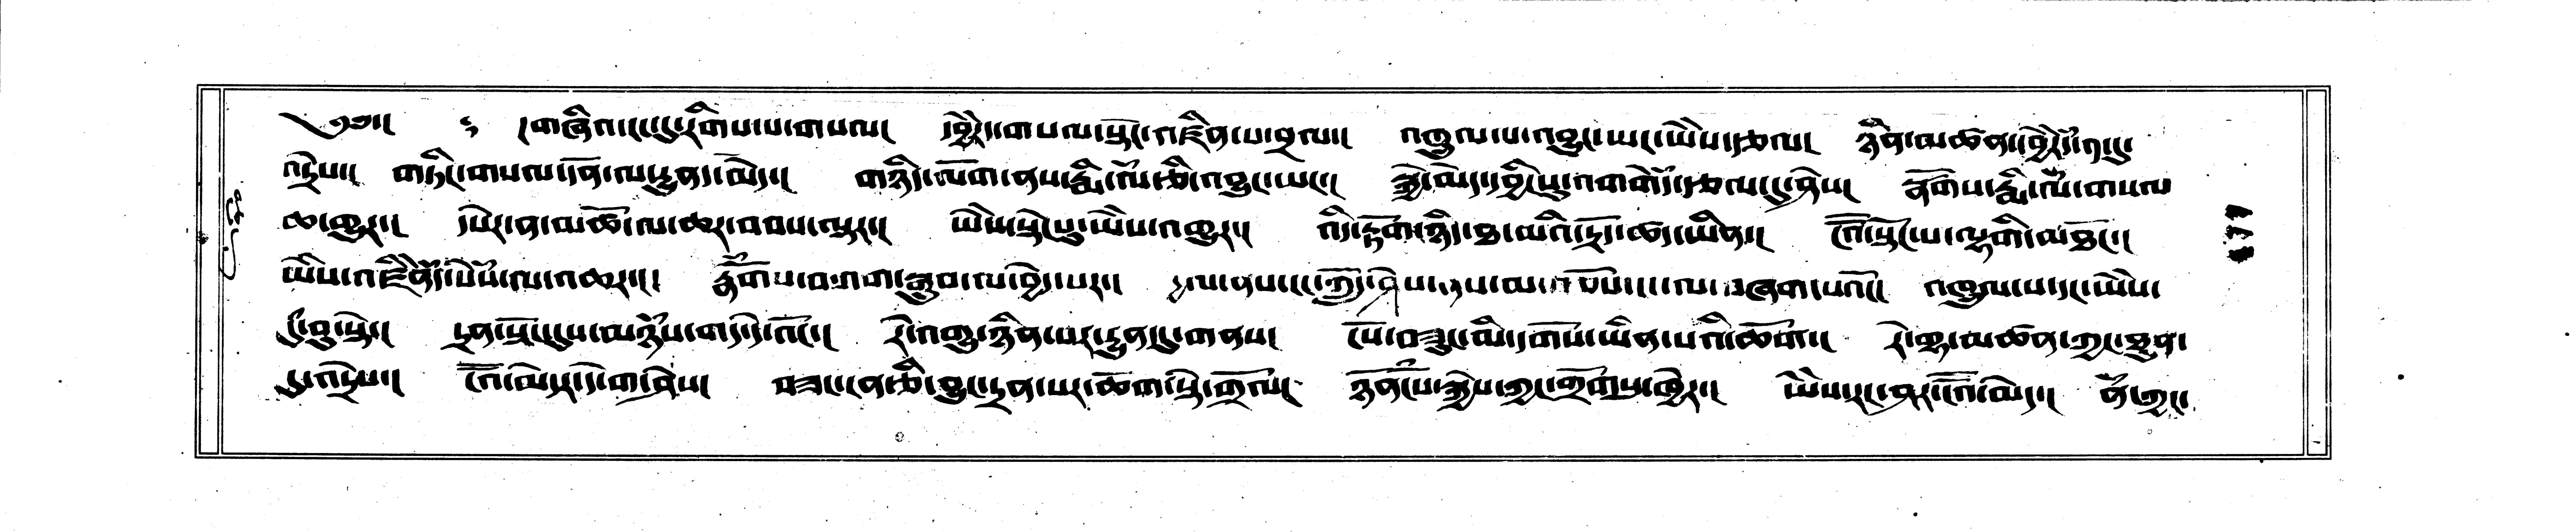གཞིའི་ངང་དུ་རིག་པ་གསལ། དབྱེར་མེད་གསལ་སྟོང་འཛིན་པ་བྲལ། འཁྲུལ་པ་བྱུང་ཡང་དབྱིངས་སུ་སྟོང་སྟེ་ཡེ་ཤེས་སྩལ་༼རྩོལ༽། རྟོག་པ་བྱུང་ཡང་དབྱིངས་སུ་སྟོང་སྟེ་ཡེ་ཤེས་རྩལ། ཉིན་མཚན་དབྱེར་མེད་ཅིག་ཏུ་
འདྲེས། གཏིང་གསལ་དོན་ལ་རྒྱུན་ཆད་མེད། གཉིད་ལོགས་ནས་རྨི་ལམ་ཅི་བྱུང་ཡང། སྐྱེ་མེད་དབྱིངས་སུ་གྷག་(འགག)མེད་རྩལ་དུ་ཤེས། སྣ་ཚོགས་རྨི་ལམ་གསལ་
ཆ་གྱུར། དཔེར་ན་མཚོ་ལ་ཆར་བབ་ལྟར། ཡེ་ཤེས་སྡོངས་སུ་ཡེ་ཤེས་གྱུར། འདི་སྟོང་ཉིད་འབྲིང་གིས་རྟགས་ཡིན། སྟོང་ཉིད་ཐ་མའི་དྲོད་ཚད་ནི། ངོའོ་སྟོང་པ་ལྷག་གིསམཐོང་། 
ཡེ་ཤེས་འཛིན་མེད་སེམས་ལ་ཤར། རྣམ་རྟོག་བཀའ་བསྒྲུབ་མི་བྱེད་པར། རྒྱ་ཡན་ངང་དུ་ཀློད་ཤེས་ན། མ་བཅོས་ངང་དུ་བཞག་པའོ། འཁྲུལ་དང་ཡེ་ཤེས་
དུམ་བུ་སྟེ། དྲན་སྟོང་དུས་མཉམ་ཀད་དེ་འོང་། རེས་གྷ་(འགའ)ཉིན་པར་རྒྱུན་དུ་གནས། ངོས་བཟུང་མི་དགོས་ཡན་པས་ཆོག། རེས་གྷ་མཚན་ཀྱང་ཐུན་
དུ་འདྲེས། ངོའོ་མེད་པར་དེ་ཀར་ཤེས། བཟང་ངན་ཅི་བྱུང་དྲན་པས་ཆོགས་སྟེ་གྲོལ། ཉོན་མོངས་སྐྱེས་ཀྱང་གྲོགས་སུ་ཁྱེར། ཡེ་ཤེས་ཤར་ཡང་ངོའོ་མེད། ནམ་ཀྱང་༼ཡང་༽